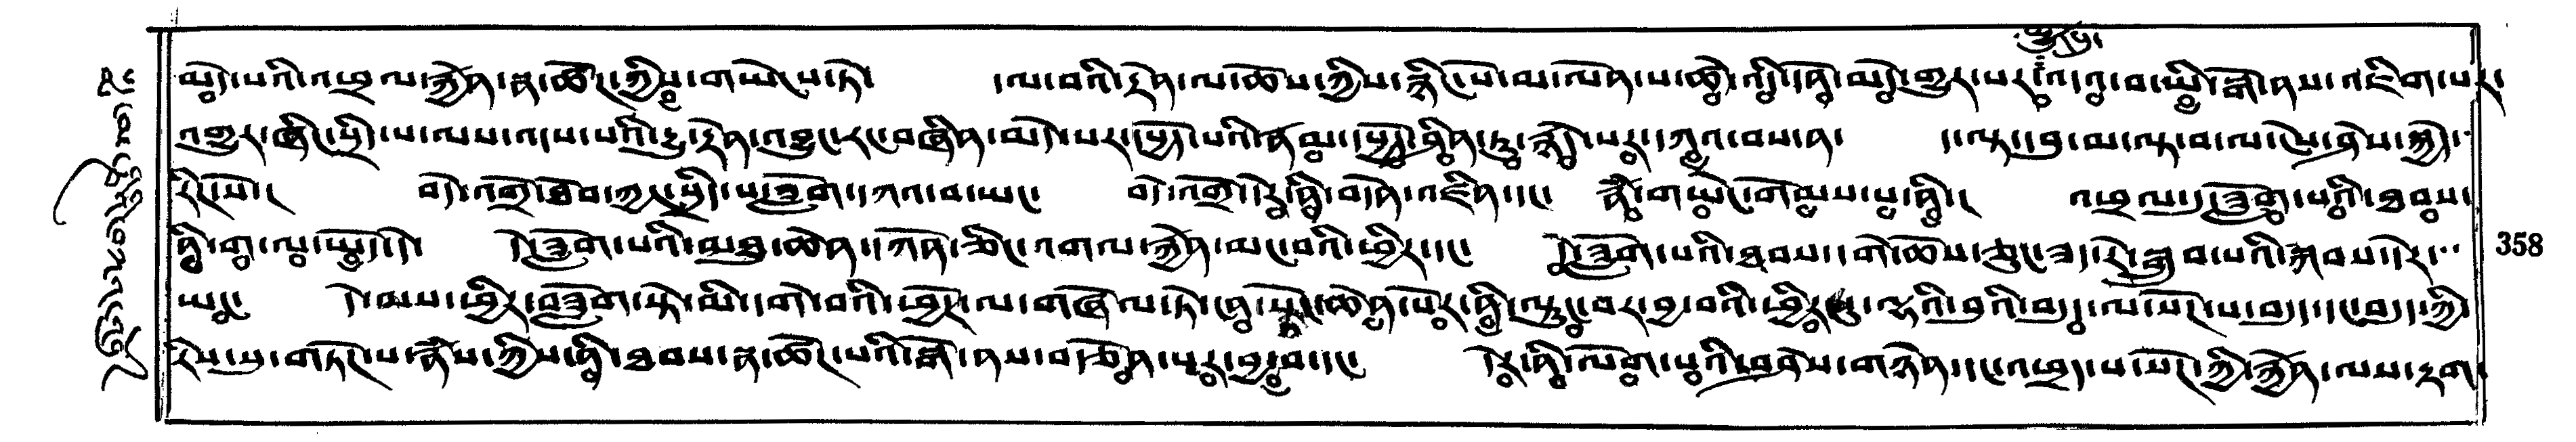མེད་པའི་འཕྲལ་རྐྱེན་སྣ་ཚོགས་ཀྱིས་གཡེངས་ཏེ། དལ་བའི་རྟེན་ལ་ཆོས་ཀྱིས་སྙིང་པོ་མ་ལོན་པ་ཚེ་འདི་དོན་མེད་གྱུར་པ་མྱུར་དུ་འདའ་བ་ཡི་སྒོ་ནས་འཇིག་པར་
འགྱུར་ཞིང་སྲིད་པ་ལས་འདས་པའི་རྒྱུ་རྟེན་འབྱུང་རང་བཞིན་མེད་པར་དཔྱོད་པའི་རྣམ་དཔྱོད་ཤིན་ཏུ་རྙེད་པར་དཀའ་བས་ན། ད་ལྟ་དབུ་མའི་ལྟ་བ་ལ་ངེས་ཤེས་སྐྱེད་
རིགས་སོ།། བདེ་འགྲོ་ཐོབ་ཀྱང་སྲིད་པ་ཟློག་དཀའ་བ་ཡང་། བདེ་འགྲོ་དེར་ནི་བདེན་འཛིན་དང་། རྣམ་གཡེང་གོམས་པ་ནི་འཕྲལ་དུ་ཟློག་པའི་ཐབས་
ནི་ག་ལ་ཡོད་དེ། དེ་ཟློག་པའི་མཐུ་ཆེན་དཀོན་ཅིང་འགལ་རྐྱེན་མང་བའི་ཕྱིར་དང་། དེ་ཟློག་པའི་ཐབས་དགེ་ཆོས་ཅུང་ཟད་རེ་སྒྲུབ་པའི་སྐབས་དེར་
ཡང་། དེ་ལས་ཕྱིར་བཟློག་སྟེ་མི་དགེ་བའི་ཕྱོགས་ལ་གཞོལ་ཏེ་ངན་སོང་ཆེན་པོར་ནི་ལྟུང་བར་བྱ་བའི་ཕྱིར་དུ་ལྷའི་བུའི་བདུད་ལ་སོགས་པ་བདུད་དང་བདུད་ཀྱི་
རིས་སུ་གཏོགས་པ་རྣམས་ཀྱིས་ནི་ཐབས་སྣ་ཚོགས་པའི་སྒོ་ནས་བརྩོན་པར་བྱ་བ་དང་།དེར་ནི་ལོག་པའི་བཤེས་གཉེན་དང་འཕྲད་པ་སོགས་ཀྱི་རྐྱེན་ལས་རྟག་